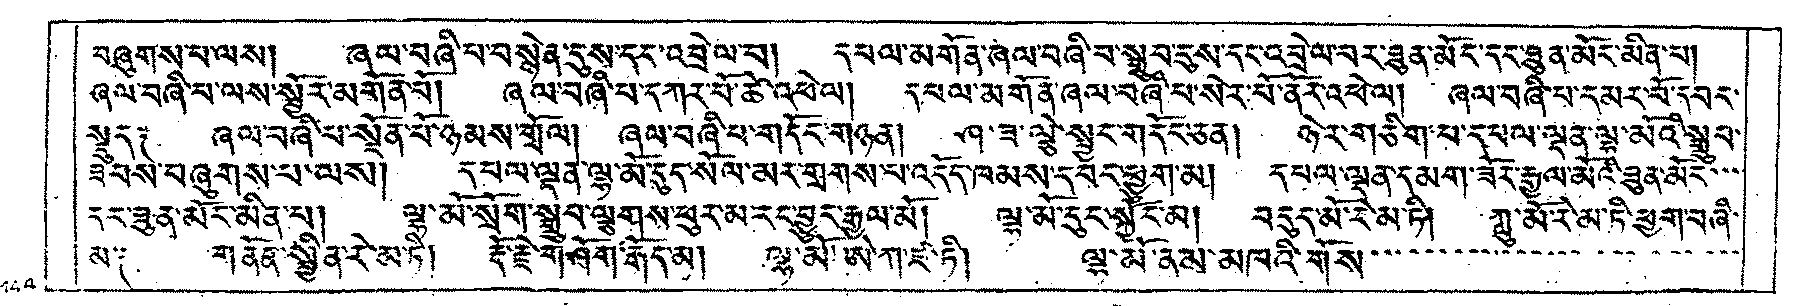བཞུགས་པ་ལས། ཞལ་བཞི་པ་བསྙེན་དུས་དང་འབྲེལ་བ། དཔལ་མགོན་ཞལ་བཞི་པ་སྒྲུབ་དུས་དང་འབྲེལ་བར་ཐུན་མོང་དང་ཐུན་མོང་མིན་པ།
ཞལ་བཞི་པ་ལས་སྦྱོར་མགོན་པོ། ཞལ་བཞི་པ་དཀར་པོ་ཚེ་འཕེལ། དཔལ་མགོན་ཞལ་བཞི་པ་སེར་པོ་ནོར་འཕེལ། ཞལ་བཞི་པ་དམར་པོ་དབང་
སྡུད། ཞལ་བཞི་པ་སྔོན་པོ་ཉམས་གྲོལ། ཞལ་བཞི་པ་གདོང་གཉན། ཤ་ཟ་ལྕེ་སྤྱང་གདོང་ཅན། ཉེར་གཅིག་པ་དཔལ་ལྡན་ལྷ་མོའི་སྒྲུབ་
ཐབས་བཞུགས་པ་ལས། དཔལ་ལྡན་ལྷ་མོ་དུད་སོལ་མར་གྲགས་པ་འདོད་ཁམས་དབང་ཕྱུག་མ། དཔལ་ལྡན་དམག་ཟོར་རྒྱལ་མོའི་ཐུན་མོང་
དང་ཐུན་མོང་མིན་པ། ལྷ་མོ་སྲོག་སྒྲུབ་ལྕགས་ཕུར་མ་རང་བྱུང་རྒྱལ་མོ། ལྷ་མོ་དུང་སྐྱོང་མ། བདུད་མོ་རེ་མ་ཏི། ཀླུ་མོ་རེ་མ་ཏི་ཕྱག་བཞི་
མ། གནོན་སྦྱིན་རེ་མ་ཏི། རྡོ་རྗེ་གཤོག་རྒོད་མ། ལྷ་མོ་ཨེ་ཀ་ཛ་ཏི། ལྷ་མོ་ནམ་མཁའི་གོས་